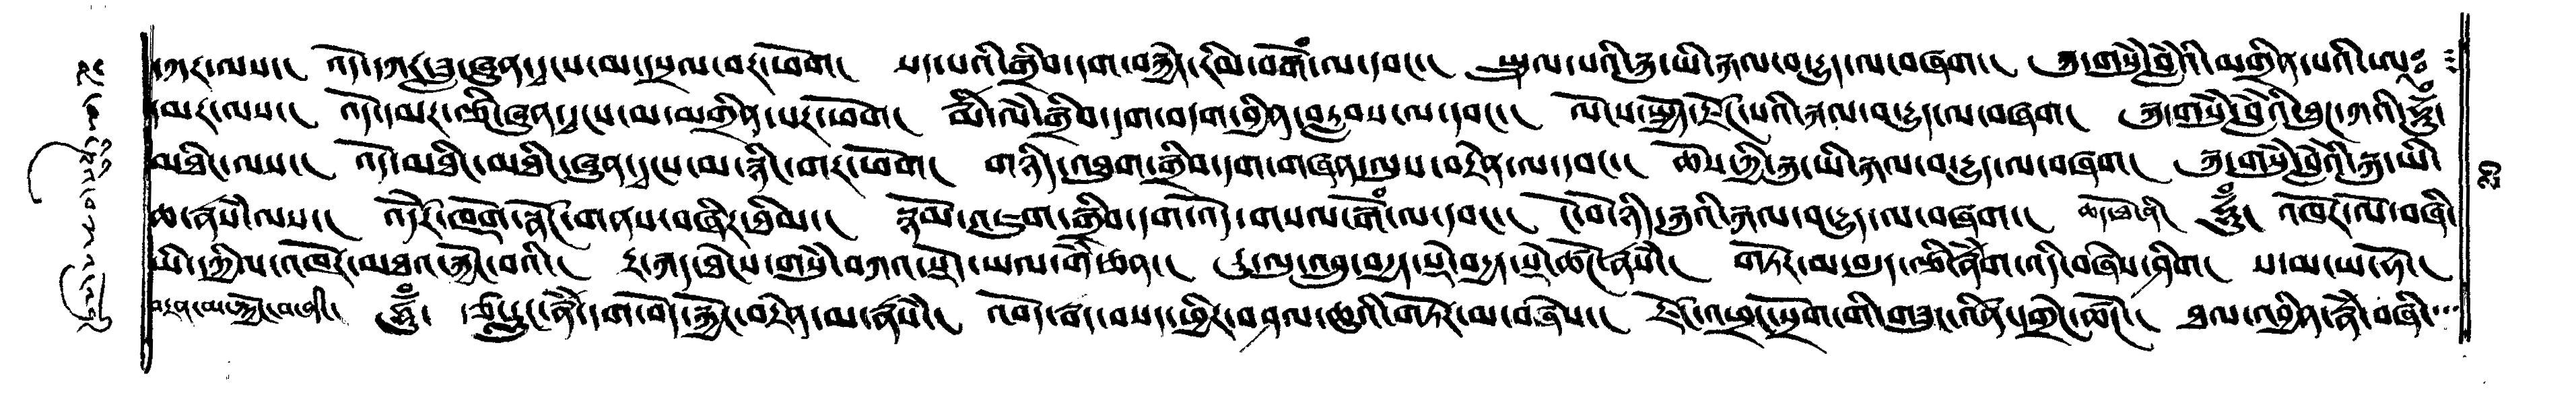དཀར་ལས། །འོད་དཀར་ཟླ་ཞུན་དྭངས་མ་དཔྲལ་བར་ཕོག །སད་པའི་སྒྲིབ་དག་བསྐྱེད་རིམ་སྒོམ་ལ་དབང་། །སྤྲུལ་པའི་སྐུ་ཡི་སྐལ་བ་རྒྱུད་ལ་བཞག །སྐུ་གསུམ་བླ་མའི་མགྲིན་པའི་ཨཱཿ
དམར་ལས། འོད་དམར་རྩི་ཞུན་དྭངས་མ་མགྲིན་པར་ཕོག །རྨི་ལམ་སྒྲིབ་དག་བདག་བྱིན་རློབ་ལ་དབང་། །ལོངས་སྤྱོད་རྫོགས་པའི་སྐལ་བ་རྒྱུད་ལ་བཞག །སྐུ་གསུམ་བླ་མའི་ཐུགས་ཀའི་ཧཱུྃ་
མཐིང་ལས། །འོད་མཐིང་མཐིང་ཞུན་དྭངས་མ་སྙིང་གར་ཕོག །གཉིད་འཐུག་སྒྲིབ་དག་གཞན་ལུས་བརྟེན་ལ་དབང་། །ཆོས་ཀྱི་སྐུ་ཡི་སྐལ་བ་རྒྱུད་ལ་བཞག །སྐུ་གསུམ་བླ་མའི་སྐུ་ཡི་
ཆ་རྣམས་ལས། །འོད་ཟེར་ཁ་མདོག་སྣ་ཚོགས་གནས་བཞིར་ཐིམ། །སྙོམ་འཇུག་སྒྲིབ་དག་འོད་གསལ་སྒོམ་ལ་དབང་། །ངོ་བོ་ཉིད་སྐུའི་སྐལ་བ་རྒྱུད་ལ་བཞག །ཆད་ཐོ་ནི། ཧཱུྃ། འཁོར་ལོ་བཞི་
ཡི་དཀྱིལ་འཁོར་མཐའ་སྐྱོང་བའི། །རྟ་སྐད་ཐེངས་གསུམ་བཀའ་སྡོད་ཡལ་གམ་ཅན། །རུ་ལུ་འབྲུ་བརྒྱད་སྡེ་བརྒྱད་སྡེ་ཚོགས་རྣམས། །གཏོར་མ་བདུད་རྩི་རྣམ་དག་འདི་བཞེས་ཤིག །ས་མ་ཡ་ཧོཿ 
བརྟན་མ་སྐྱོང་བ་ནི། ཧཱུྃ། རྩ་རླུང་རྣམ་དག་བོད་སྐྱོང་བརྟན་མ་རྣམས། །འབོད་རྦད་གསིད་ཕྱིར་བཤལ་ཆུའི་གཏོར་མ་བཞེས། །རྫོང་འཕྲང་སྲོག་གི་གཟུང་འཛིན་དགྲ་བགེགས་ཚོགས། །ཐལ་འབྱིན་རྣམ་བཞིས་